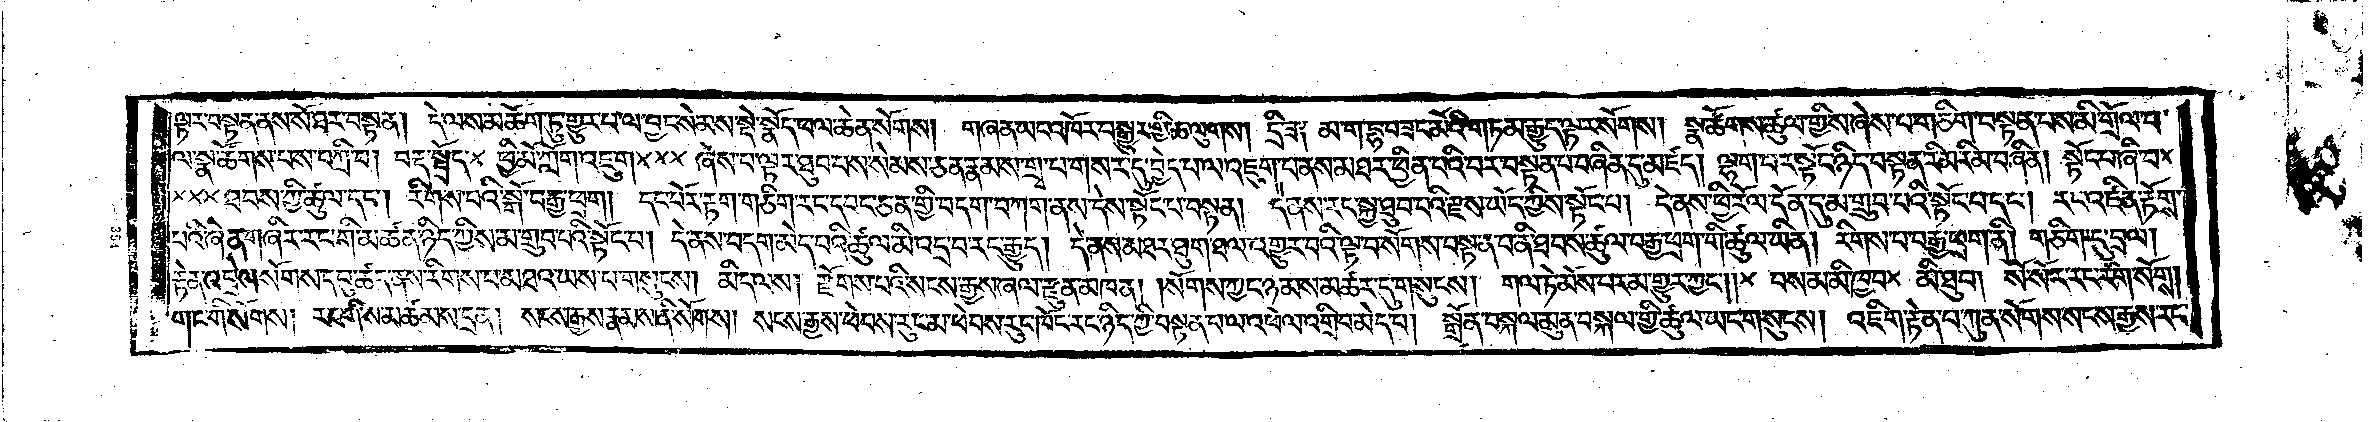ལྟར་བསྟན་ནས་སོ་ཐར་བསྟན། དེ་ལས་མཆོག་ཏུ་གྱུར་པ་ལ་བྱང་སེམས་སྡེ་སྣོད་ཕལ་ཆེན་སོགས། གཞན་ཡང་འཁོར་བསྒྱུར་གྱི་ཆ་ལུགས། དྲི་ཟ༑ མ་ག་བྷ་བཟང་མོའི་གཏམ་རྒྱུད་ལྟར་སོགས། སྣ་ཚོགས་ཚུལ་གྱིས་ཞེས་པ་གཅིག་བསྟན་པས་མི་གྲོལ་བ་
ལ་སྣ་ཚོགས་པས་བཀྲིས་བ། བརྡ་སྤྲོད་྾་ཕྱི་མོ་ཀློག་འཇུག་྾྾྾་ཞེས་པ་ལྟར་ཐུབ་པས་སེམས་ཅན་རྣམས་གྲྭ་པ་གསར་དུ་བྱེད་པ་ལ་འཇུག་པ་ནས་མཐར་ཕྱིན་པའི་བར་བསྟན་པ་བཞིན་དུ་མཛད། ལྷག་པར་སྟོང་ཉིད་བསྟན་རིམ་རིམ་བཞིན། སྟོང་པ་ཞི་བ྾་
྾྾྾་ཐབས་ཀྱི་ཚུལ་དང་། རིགས་པའི་སྒོ་བརྒྱ་ཕྲག། དང་པོར་རྟག་གཅིག་རང་དབང་ཅན་གྱི་བདག་བཀག་ནས་དེས་སྟོང་པ་བསྟན། དེ་ནས་རང་སྐྱ་ཐུབ་པའི་རྫས་ཡོད་ཀྱིས་སྟོང་པ། དེ་ནས་ཕྱི་རོལ་དོན་དུ་མ་གྲུབ་པའི་སྟོང་པ་དང་། རང་འཛིན་རྟོགས་
པའི་ཞེ་ན་གཞིར་རང་གི་མཚན་ཉིད་ཀྱིས་མ་གྲུབ་པའི་སྟོང་པ། དེ་ནས་བདག་མེད་པའི་ཚུལ་མི་འདྲ་བ་རང་རྒྱུད། དེ་ནས་མཐར་ཐུག་ཐལ་འགྱུར་བའི་ལྟ་བ་སོགས་བསྟན་པ་ནི་ཐབས་ཚུལ་བརྒྱ་ཕྲག་གི་ཚུལ་ཡིན། རིགས་པ་བརྒྱ་ཕྲག་ནི། གཅིག་དུ་བྲལ།
རྟེན་འབྲེལ་སོགས་དབུ་ཚང་ནས་རིགས་པ་མཐའ་ཡས་པ་གསུངས། མིད་ལས། རྫོགས་པའི་སངས་རྒྱས་ཞལ་རྫུན་མཁན། །སོགས་ཀྱང་ཉམས་མཚར་དུ་གསུངས། གལ་ཏེ་མོས་པར་མ་གྱུར་ཀྱང།། ྾་བསམ་མི་ཁྱབ་྾་མི་ཁྱབ་྾་མི་ཐུབ། སོ་སོར་རང་རིག་སོགས།
གང་གི་སོགས། རང་གིས་མཚམས་དྲན། སངས་རྒྱས་རྣམས་ནི་སོགས། སངས་རྒྱས་ཕེབས་རུང་མ་ཕེབས་རུ་ཁོང་རང་ཉིད་ཀྱི་བསྟན་པ་ལ་འཕེལ་འགྲིབ་མེད་པ། སྒྲོན་བསྐལ་མུན་བསྐལ་གྱི་ཚུལ་ཡང་གསུངས། འཇིག་རྟེན་པ་ཀུན་སོགས་སངས་རྒྱས་རང་